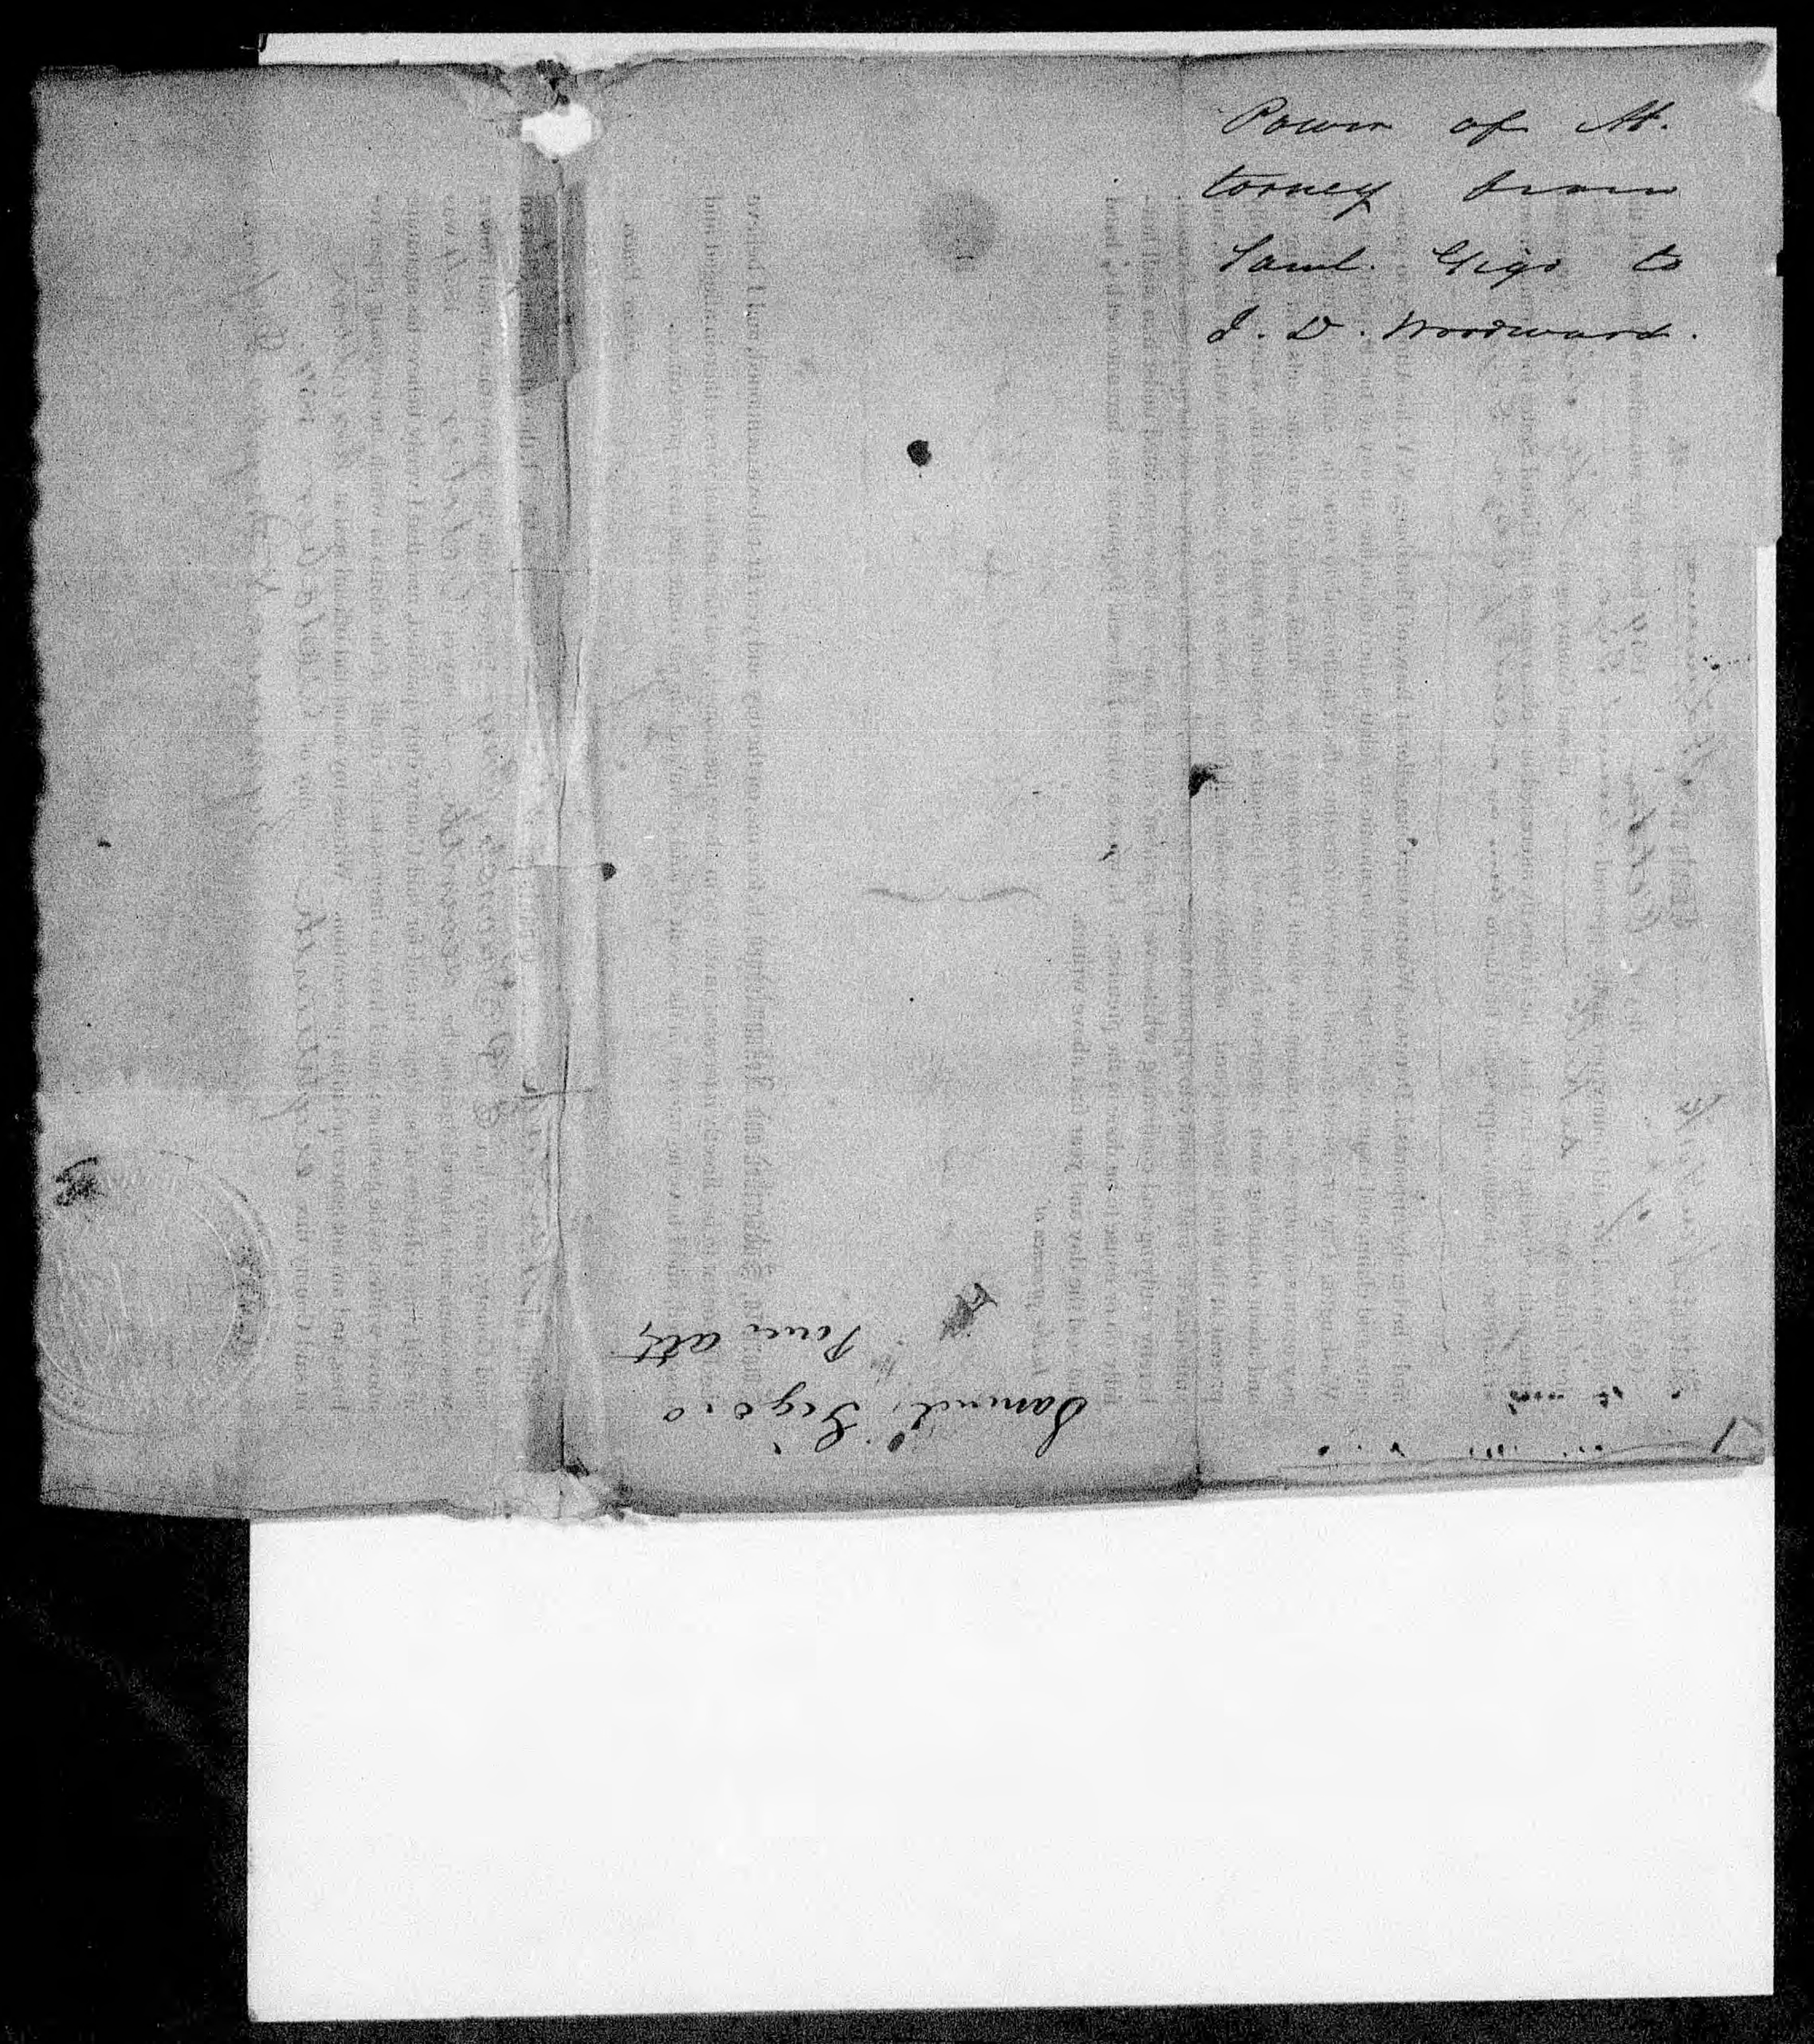Power of Attorney 
from Land Gigo to
J.D. Woodward

Samuel Gigo, Power Att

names: Saml Gigo, J D Woodward, Samuel Gigo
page: 33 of 98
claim: widow's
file: W. 21182, Francis Gigo, Continental (Canadian)